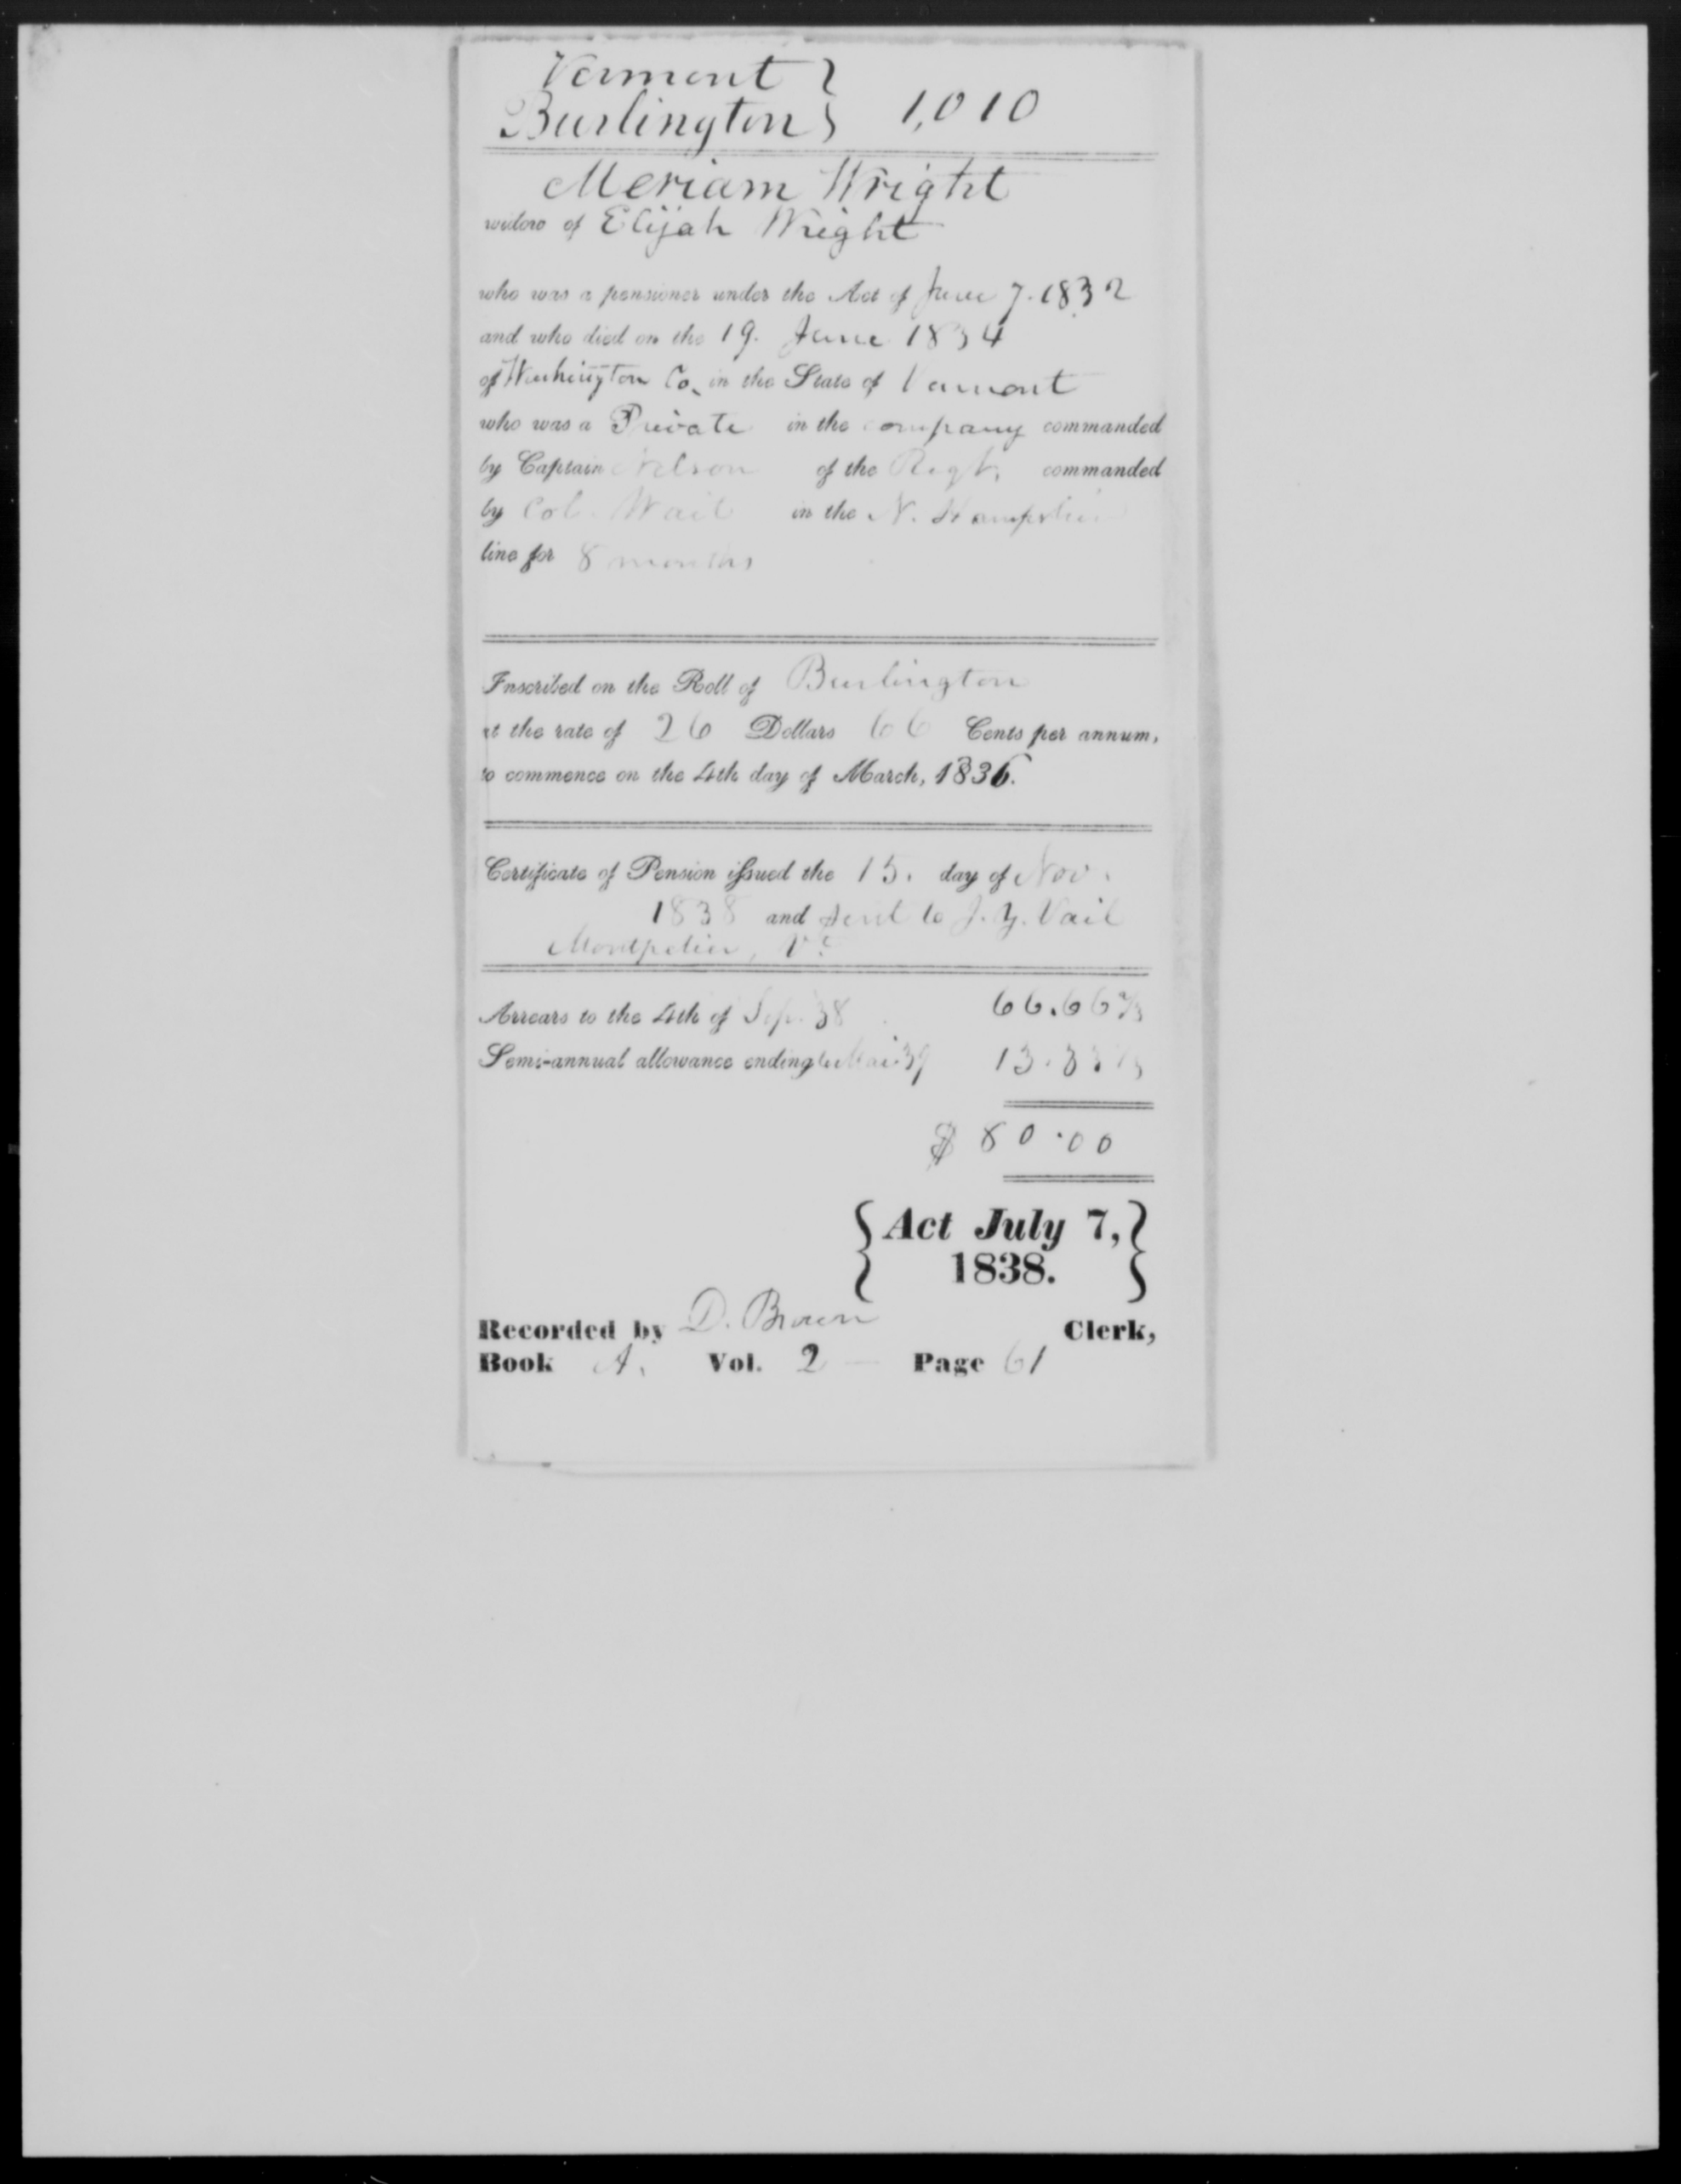Vermont    }
Burlington } 1,010
=
Meriam Wright
widow of Elijah Wright
who was a pensioner under the Act of June 7, 1832 and who died on the 19 June 1834
of Washington Co. in the State of Vermont
who was a Private in the company commanded
by Captain Nelson of the Regt. commanded
by Col Wait in the N. Hampshire line for 8 months
=
Inscribed on the Roll of Burlington at
the rate of 26 Dollars 66 Cents per annum,
to commence on the 4th day of March, 1836.
=
Certificate of Pension issued the 15 day of Nov.
1838 and sent to J.Y. Vail
Montpelier, Vt
=
Arrears to the 4th of Sep. '38                     66.66
Semi-annual allowance ending in Mar '39 13.33
                                                                      =
                                                                   $80.00
{Act July 7,}
{1838.        }
Recorded by D. Brown   Clerk,
Book A, Vol. 2 - Page 61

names: J Y Vail, Meriam Wright, Wait, Elijah Wright, Nelson, D Brown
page: 16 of 26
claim: widow's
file: W. 26,137, Elijah Wright, N.H.